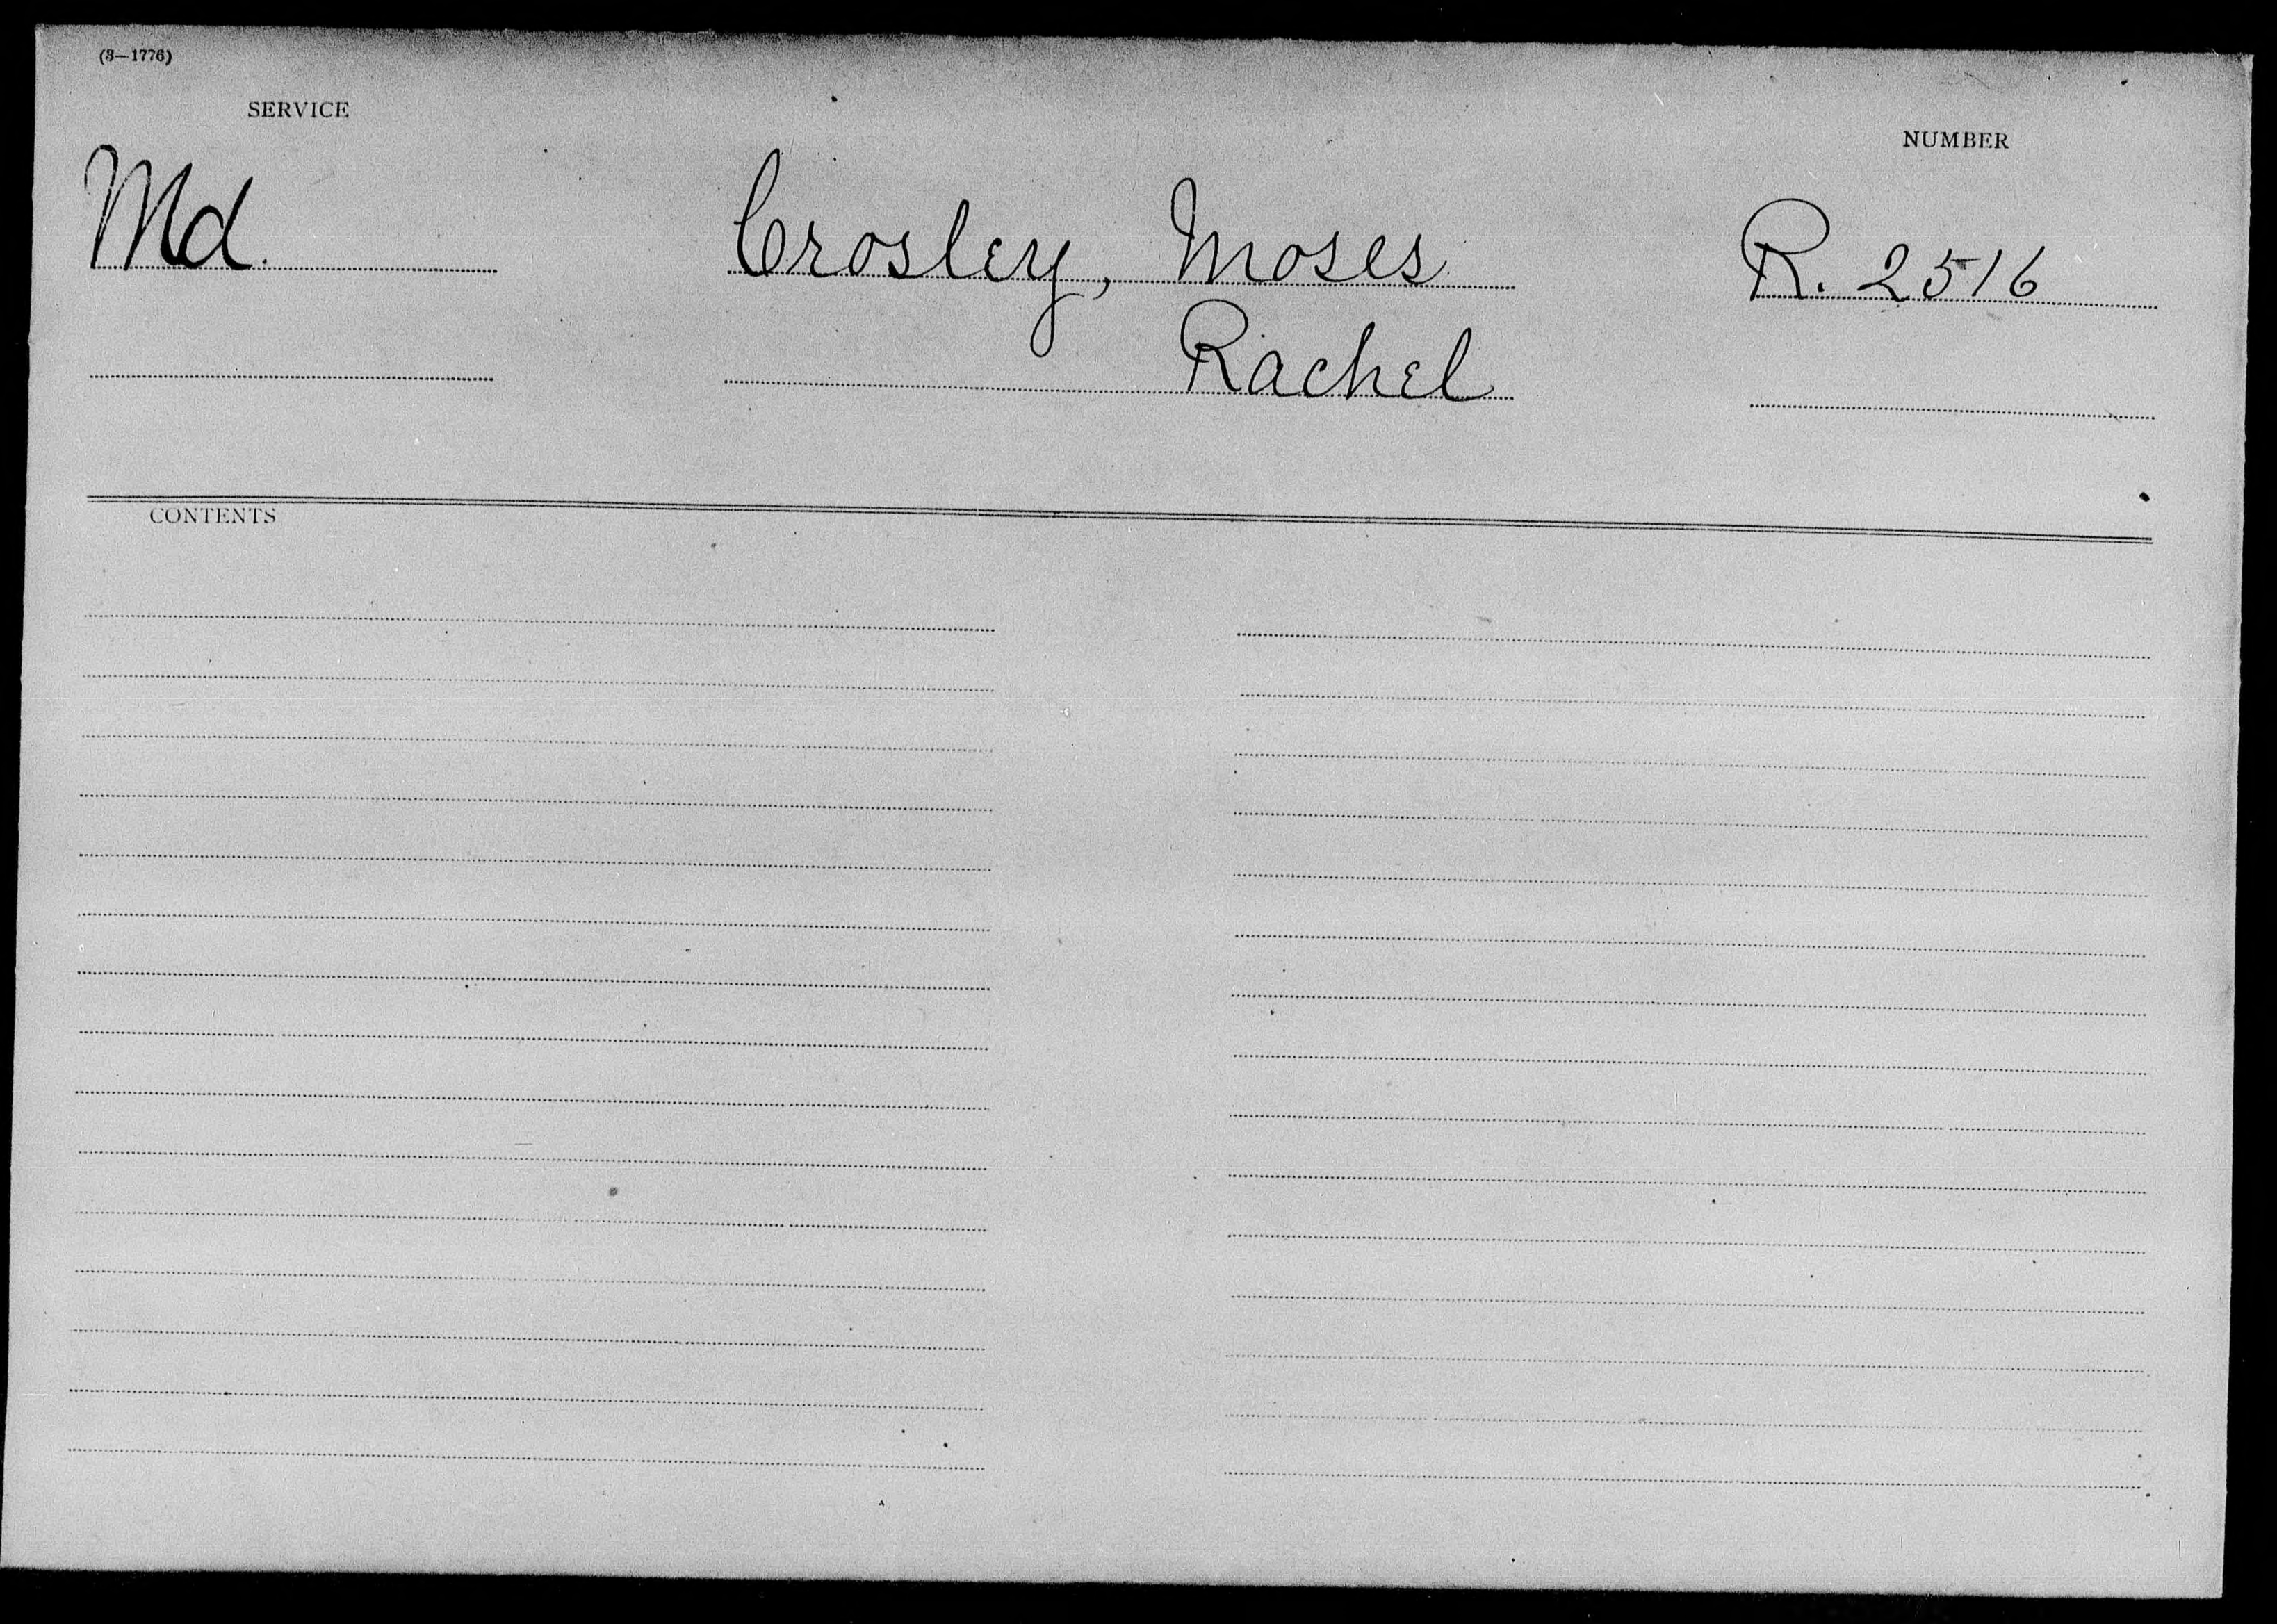(3-1776)
SERVICE
Md.
Crosley, Moses
Rachel
NUMBER
R. 2516

CONTENTS
[blank]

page: 1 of 37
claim: rejected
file: R. 2516, Moses Crosley, Md.